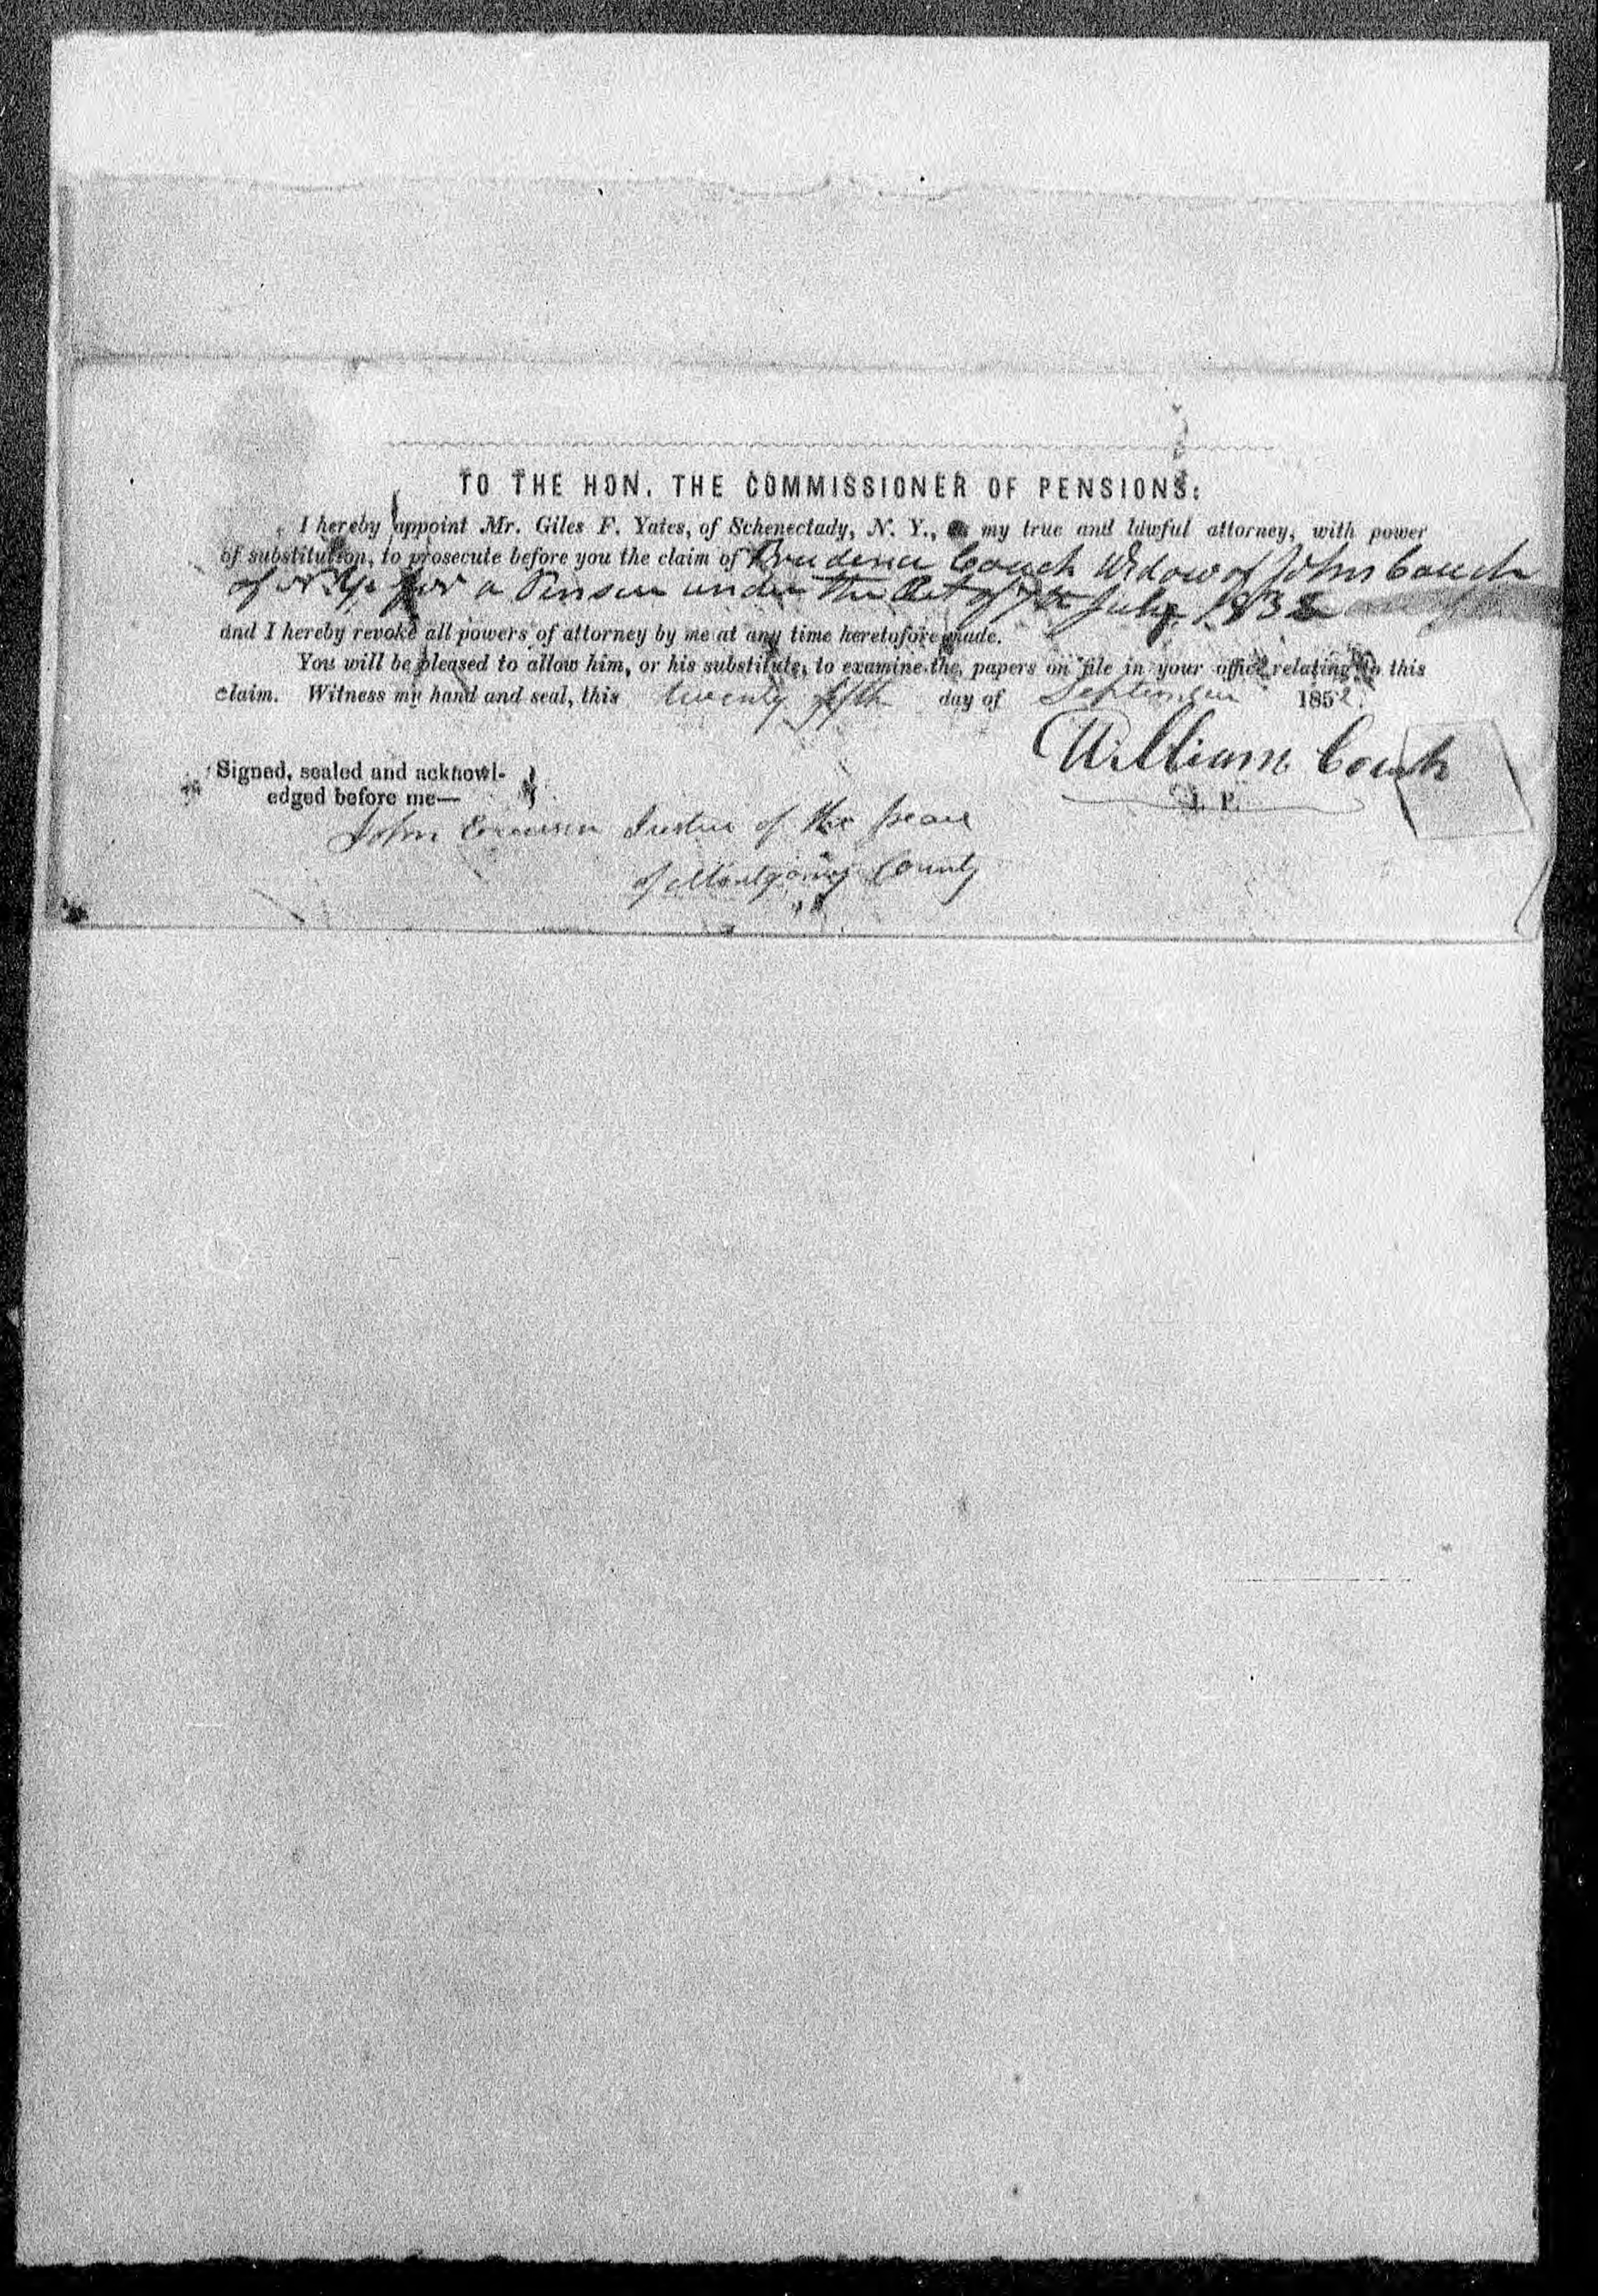TO THE HON. THE COMMISSIONER OF PENSIONS:
I hereby appoint Mr. Giles F. Yates, of Schenectady, N.Y., my true and lawful attorney, with power of substitution, to prosecute before you the claim if Prudence Couch widow of John Couch of NY for a pension under the act of 7th July 1832 and I hereby revoke all powers of attorney by me at any time heretofore made.
You will be pleased to allow him, or his substitute, to examine the papers on file in your office, relating to this claim. Witness my hand and seal. this twenty fifth day of September 1852.
William Couch

Signed, sealed, and acknowledged before me
John Everson Justice of the Peace of Montgomery County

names: William Couch, John Everson, John Couch, Prudence Couch, Giles F Yates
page: 16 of 68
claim: rejected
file: R. 2,360, John Couch, Conn.